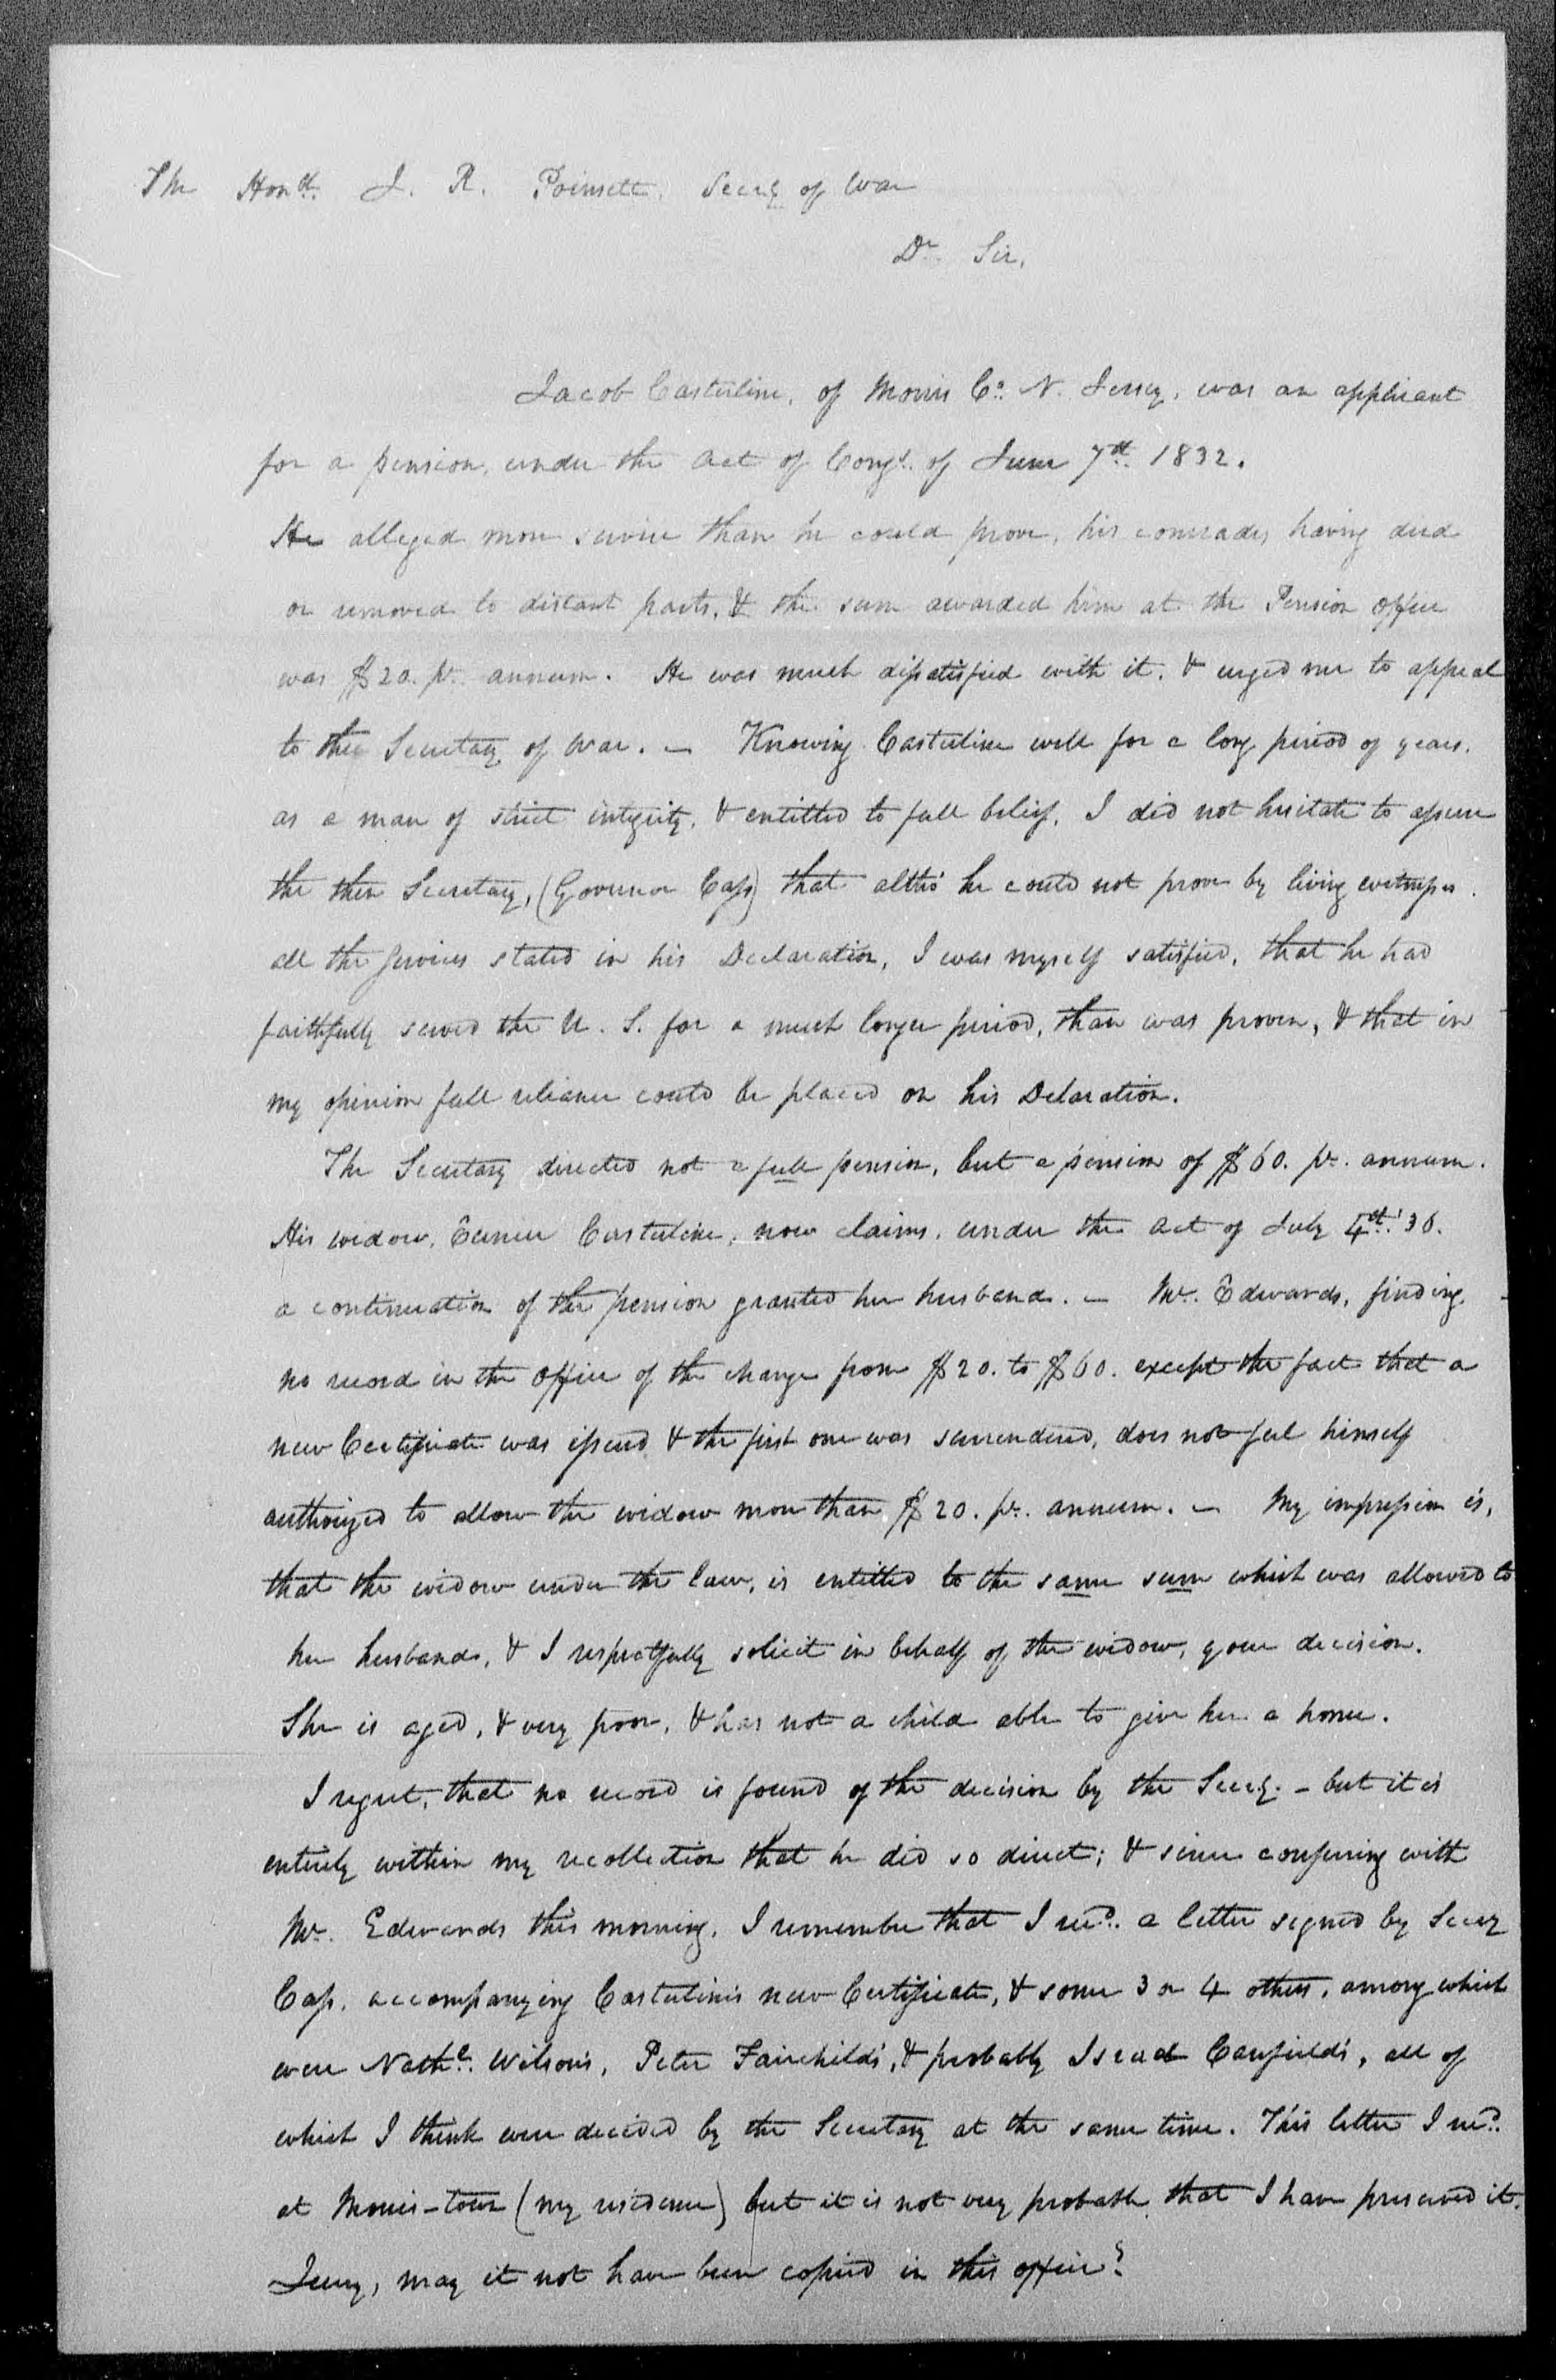The Honorable J. R. Poinsett Secretary of War
Dear Sir,

Jacob Casterline of Morris Co. N. Jersey was an applicant for a pension, under the Act of Congress of June 7th, 1832.
He alleged more service than he could prove , his comrades having died or removed to distant parts and the sum awarded him at the Pension office was $20 per annum. He was much disatisfied with it and urged me to appeal to the Secretary of War.  Knowing Casterline well for a long period of years as a man of strict integrity and entitled to full belief, I did not hesitate to explain to the Secretary (Governor Cass) that altho' he could not prove by living everything all the services stated in his Declaration, I was myself satisfied that he had faithfully served the U. S. for a much longer period than was proven and that in my opinion fall which court be placed on his declaration.  
The Secretary directed not a full pension but a pension of $60 per  annum.  His widow Eunice Casterline, now claims, under the Act of July 4th '36 a continuation of the pension granted her husband.  W. Edwards, finding no record in the office of the mayor from $20 to $60 except the fact that a new certificate was issued and the first one was surrendered does not [?] himself anything to allow the widow more than $20 per annum.  My impression is that the widow under the law is entitled to the same sum which was allowed her husband and I respectfully solicit in behalf of the widow your decision.  She is aged and very poor and has  not a child able to give her a home.  
I regret that no record is found of the decision by the Secy. - but it is entirely within my recollection that he did so direct and I am confirming with W. Edwards this morning.  I remember that I recd a letter signed by Secy Cass accompanying Casterline's new certificate and some 3 or 4 others, among which were Nathl Wilson's, Peter Fairchild's, and probably Israel Canfield, all of which I think were decided by the Secretary at the same time.  This letter I recd at Morristown (my residence) but it is not very probably that I have preserved it.  Jury, may it not have been copied in this office?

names: Edwards, Peter Fairchild, Eunice Casterline, Jacob Casterline, Israel Confield, Cass, J R Poinsett, Nathl Wilson, Casterline, Edwards, Casterline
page: 26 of 38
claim: widow's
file: W. 6644, Jacob Casterline, New Jersey